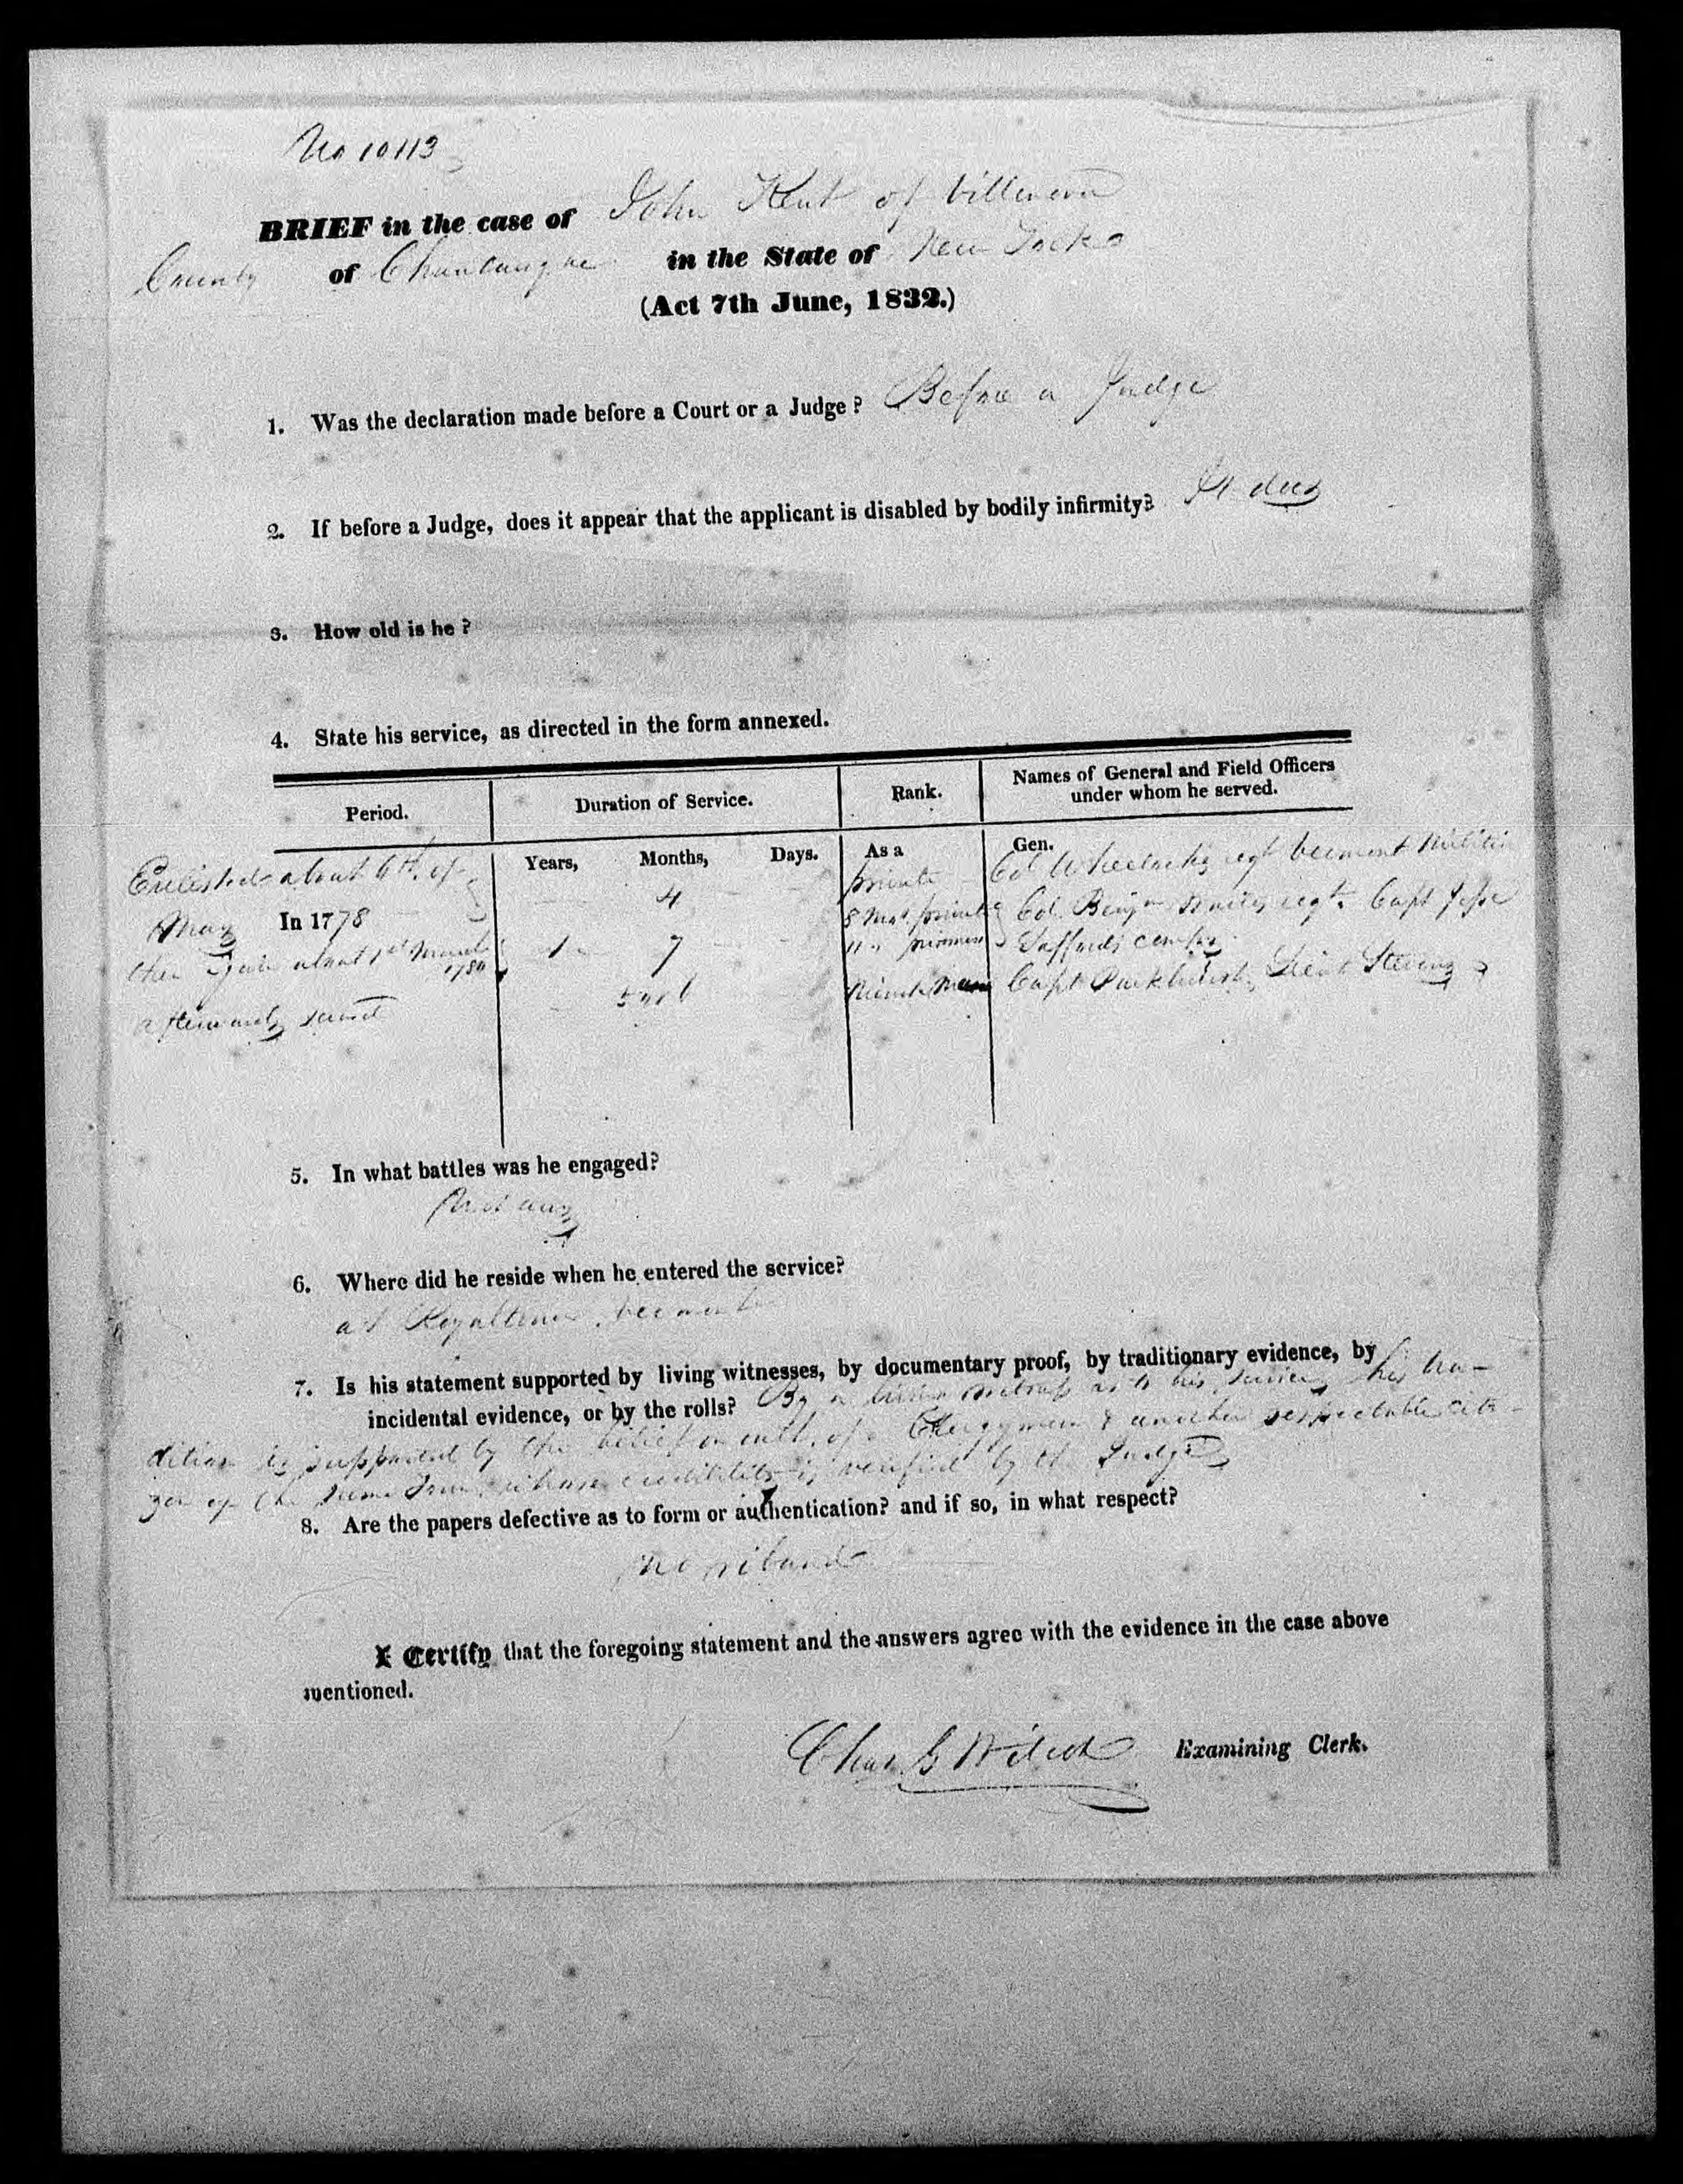No. 10113

BRIEF in the case of John Kent of [illegible] County of Chautauqua in the State of New York
(Act 7th June, 1832)

1. Was the declaration made before a Court or a Judge? Before a Judge

2. If before a Judge, does it appear that the applicant is disabled by bodily infirmity? [illegible]

3. How old is he?

4. State his service, as directed in the form annexed.
===============
Period.
----------
Enlisted about 6th of May 1778
then again about 1st March 1781
afterwards and
==========
Duration of Service.
Years, Months, Days
----------
__, 4, __.
1, 7, __.
__, 5, __.
==========
Rank.
As a
----------
Private 
8 mos private 11 mos prisoner
Minute Men
==========
Names of General and Field Officers under whom he served.
----------
Col. Wheelock's rgt Vermont Militia
Col Benjm Waits Regt. Capt Jefse Safford's comp (Jesse Safford)
Capt Parkland, Lieut Stevens

5. In what battles was he engaged? [illegible]

6. Where did he reside when he entered the service? at Royalton Vermont

7. Is his statement supported by living witnesses, by documentary proof, by traditionary evidence, by incidental evidence, or by the rolls? By a living witnefs as to his service by tradition is supported by the belief on oath of a Clergyman + another respectable citizen of the same town whose credibility is verified by the Judge

8. Are the papers defective as to form or authentication? and if so, in what respect? No [illegible]

X Certify that the foregoing statement and the answers agree with the evidence in the case above mentioned.

Chas. S Mitch Examining Clerk.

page: 5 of 50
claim: widow's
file: W. 4253, for John Kent, Vermont